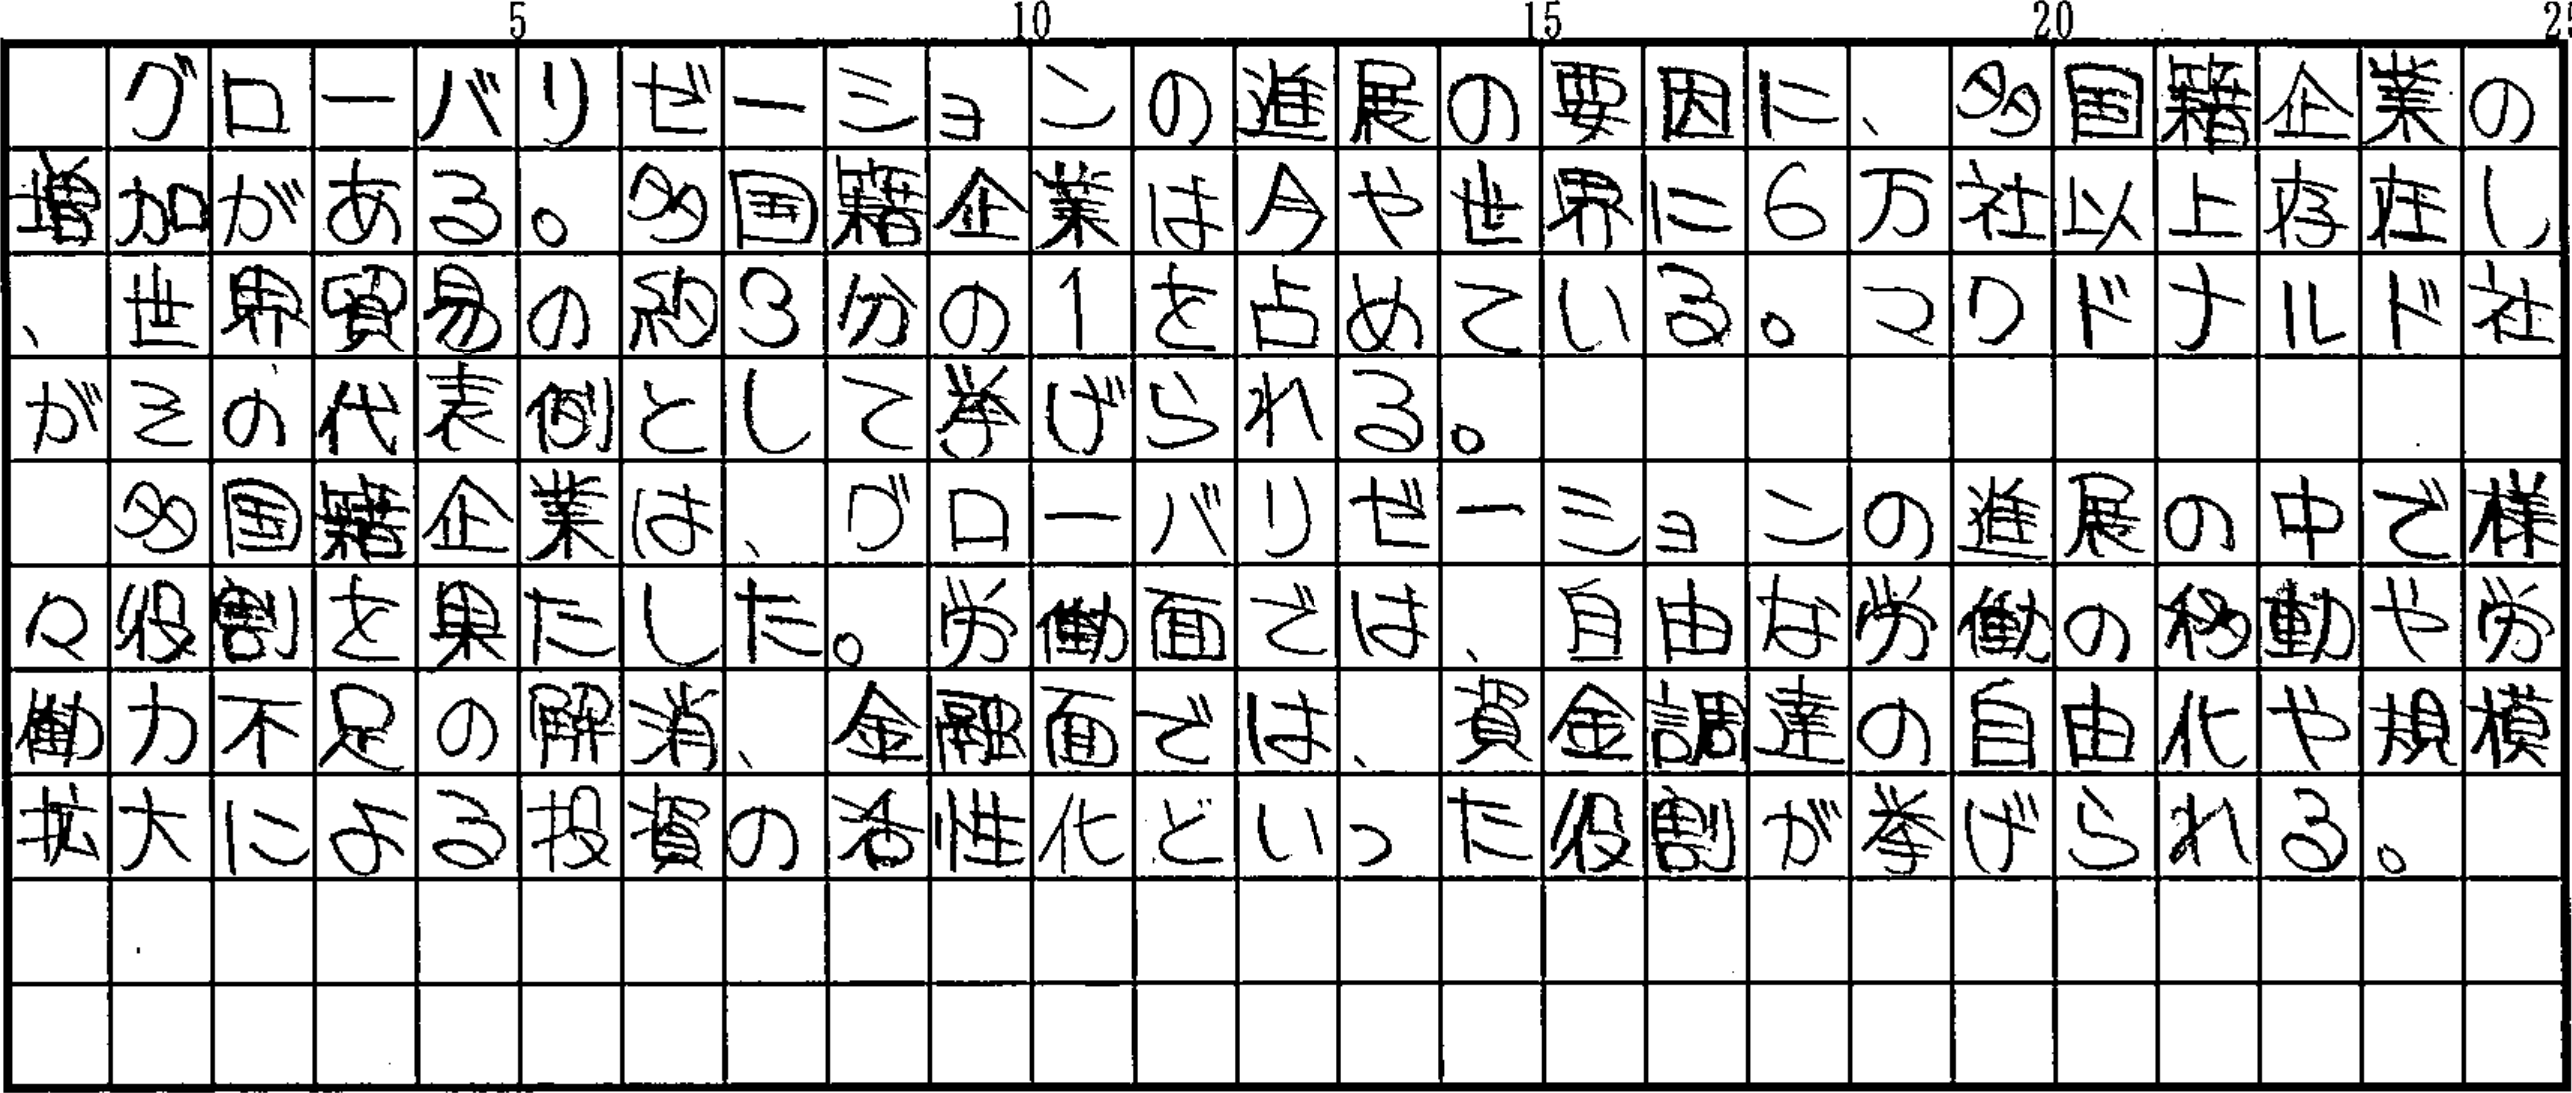　グローバリゼーションの進展の要因に、多国籍企業の増加がある。多国籍企業は今や世界に６万社以上存在し、世界貿易の約３分の１を占めている。マクドナルド社がその代表例として挙げられる。
　多国籍企業は、グローバリゼーションの進展の中で様々役割を果たした。労働面では、自由な労働の移動や労働力不足の解消、金融面では、資金調達の自由化や規模拡大による投資の活性化といった役割が挙げられる。
